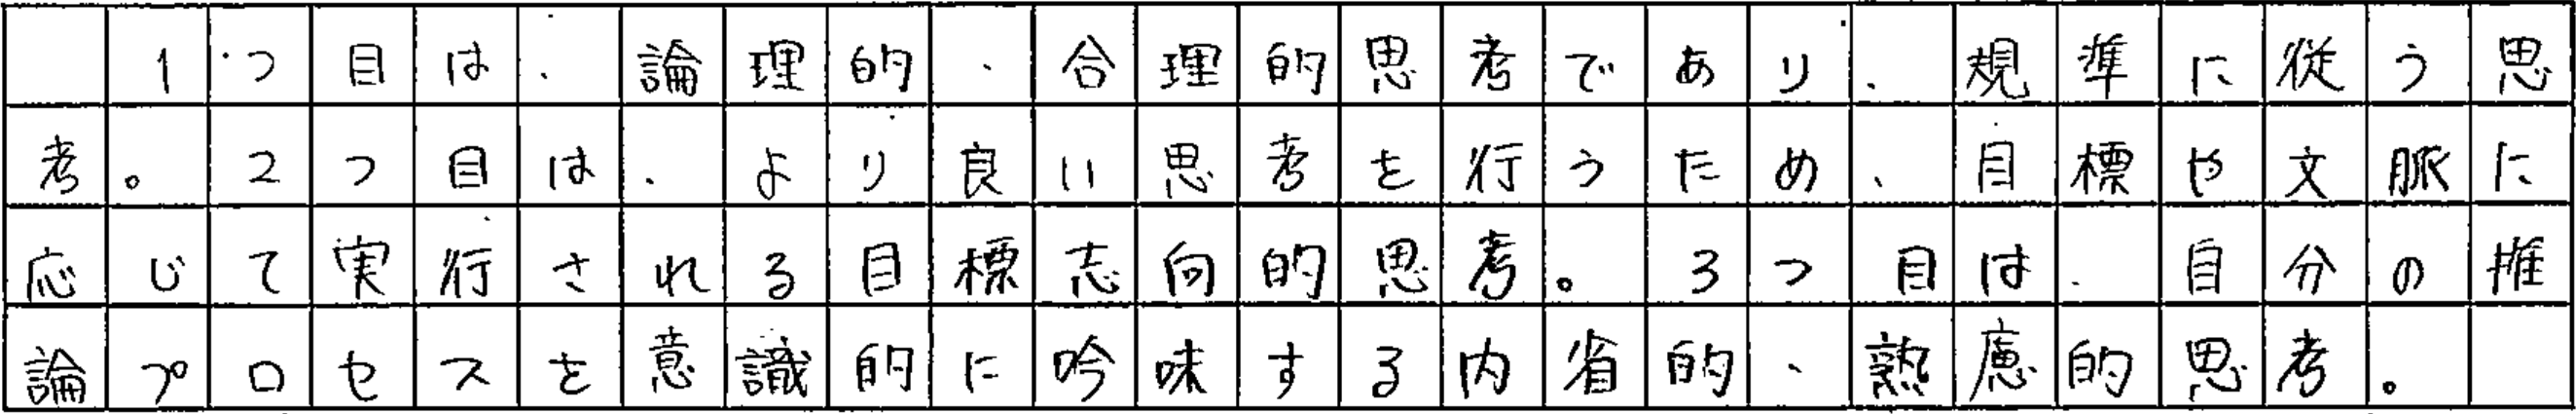　１つ目は、論理的・合理的思考であり、規準に従う思考。２つ目は、より良い思考を行うため、目標や文脈に応じて実行される目標志向的思考。３つ目は、自分の推論プロセスを意識的に吟味する内省的・熟慮的思考。
